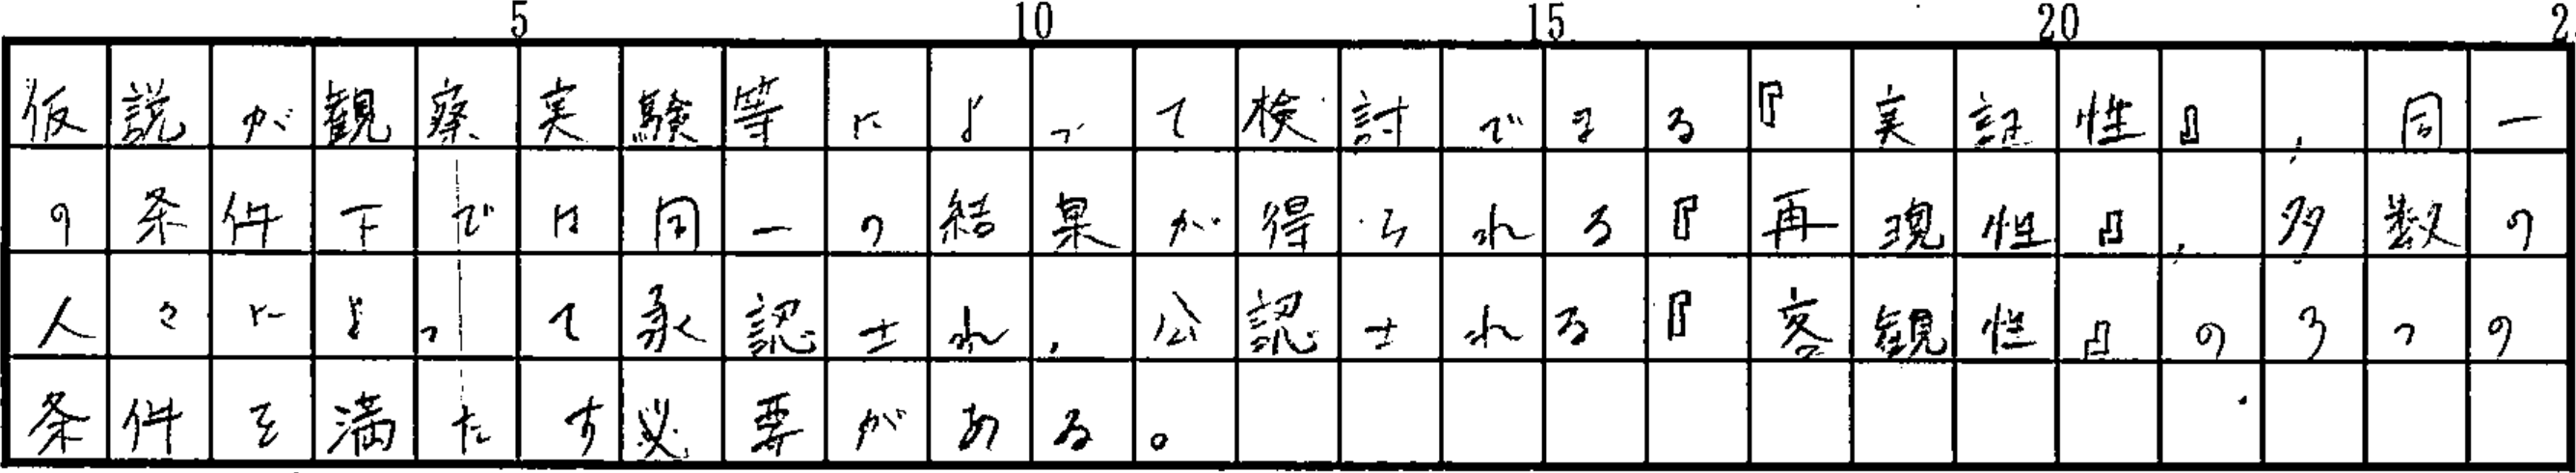仮説が観察実験等によって検討できる『実証性』、同一の条件下では同一の結果が得られる『再現性』、多数の人々によって承認され、公認される『客観性』の３つの条件を満たす必要がある。
